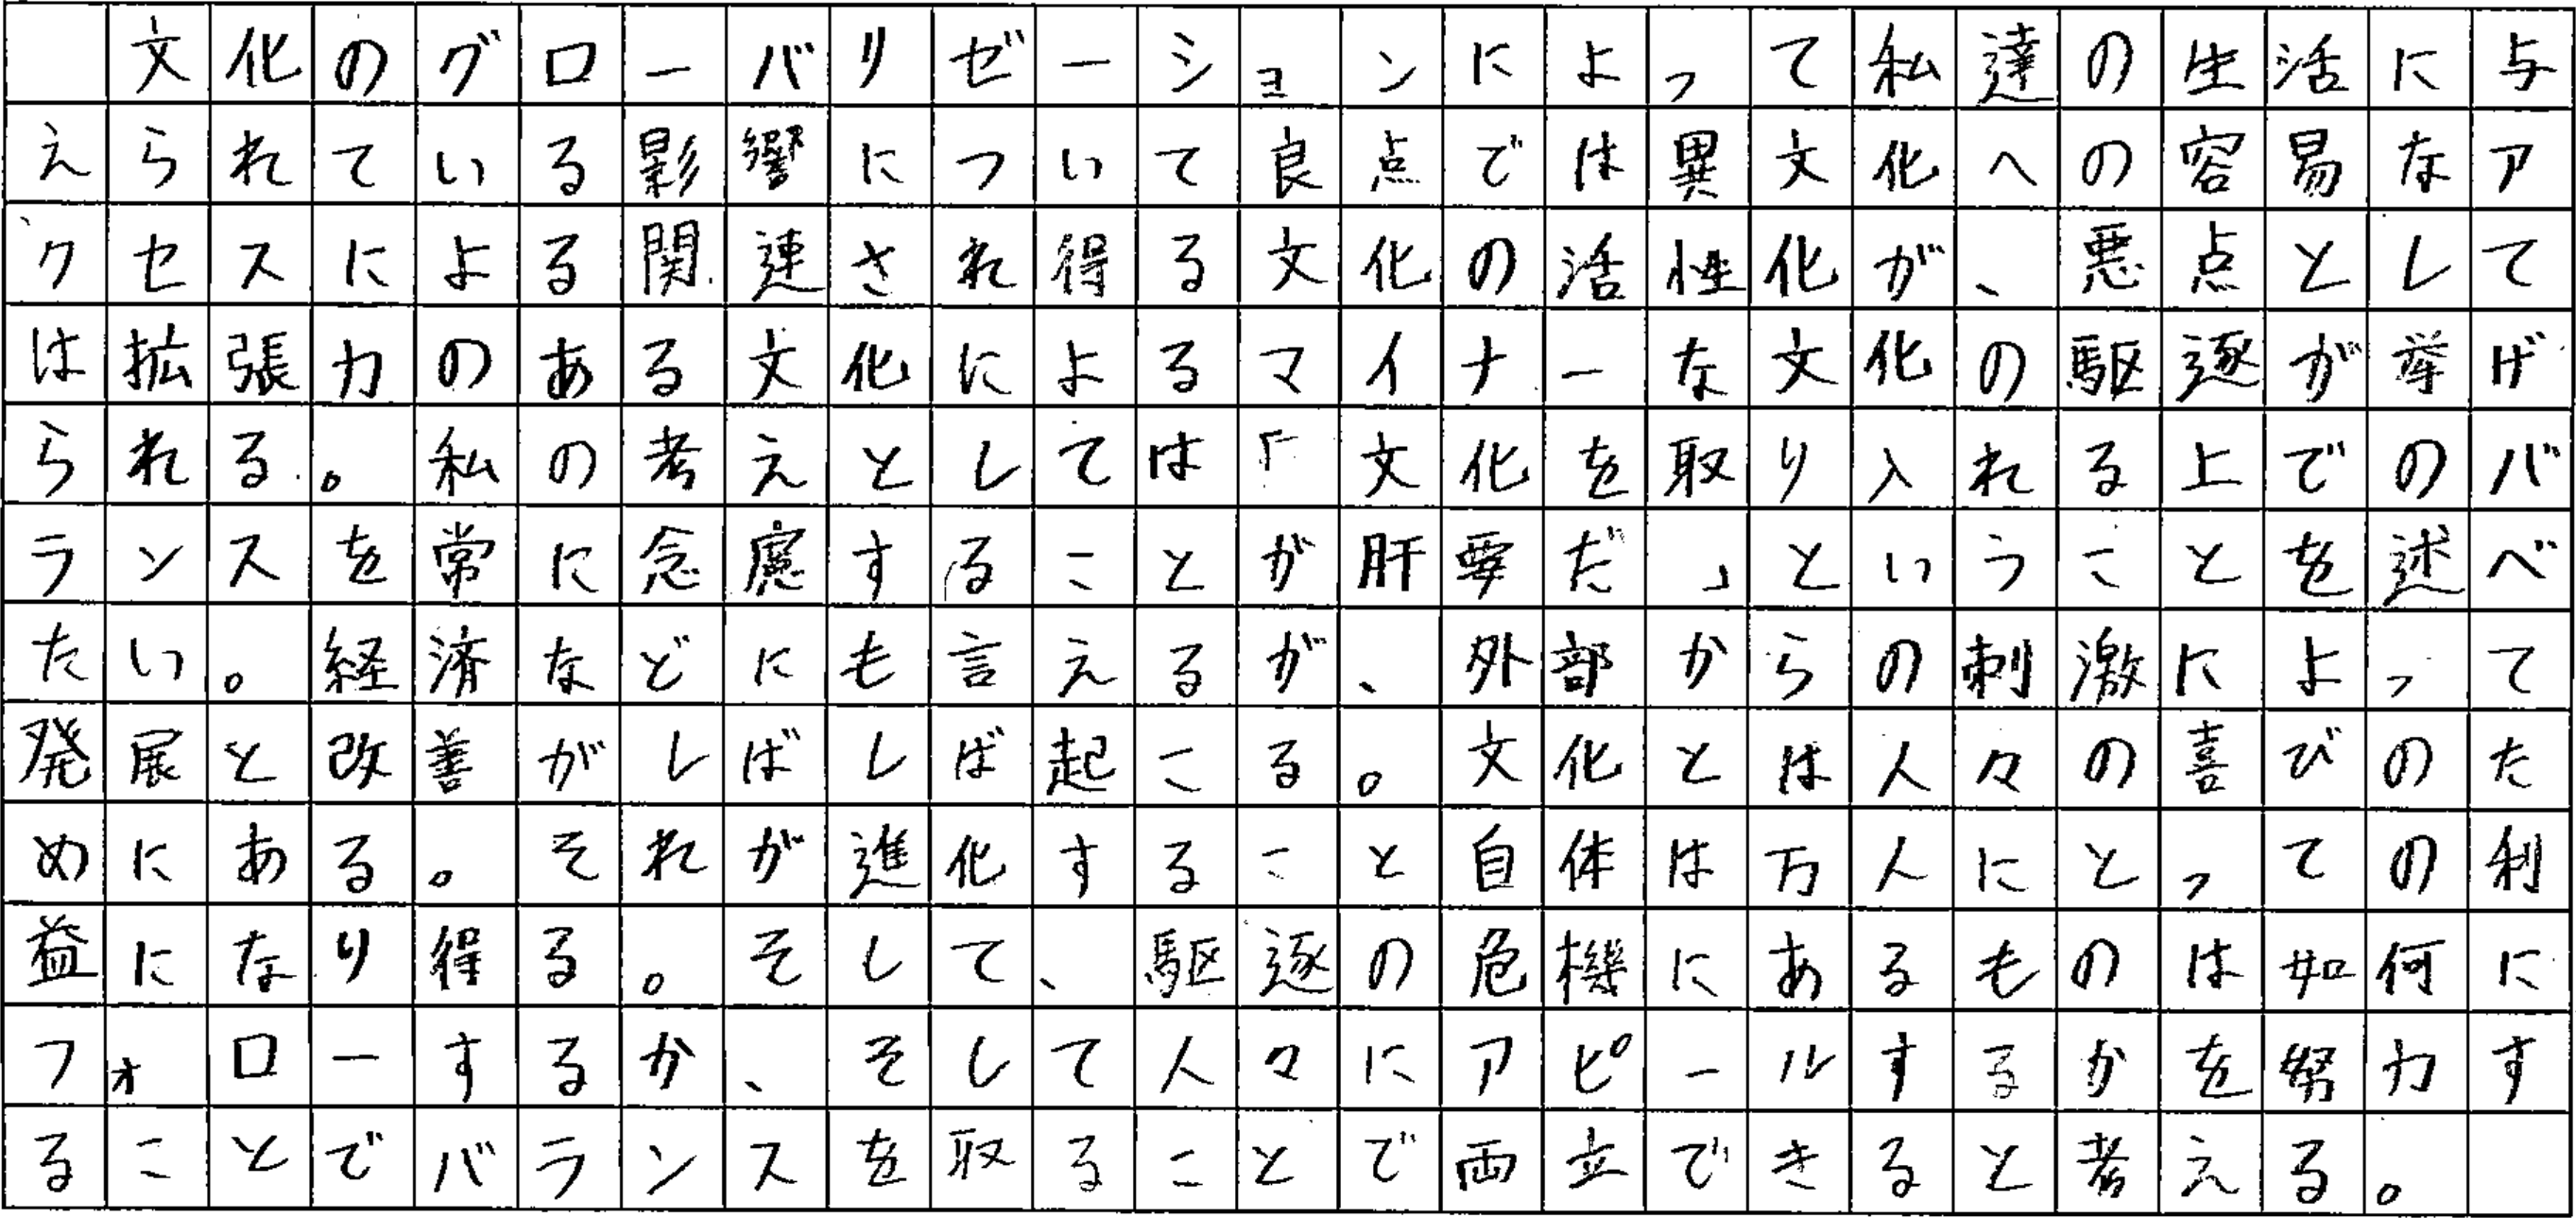　文化のグローバリゼーションによって私達の生活に与えられている影響について良点では異文化への容易なアクセスによる関連され得る文化の活性化が、悪点としては拡張力のある文化によるマイナーな文化の駆逐が挙げられる。私の考えとしては「文化を取り入れる上でのバランスを常に念▁することが肝要だ」ということを述べたい。経済などにも言えるが、外部からの刺激によって発展と改善がしばしば起こる。文化とは人々の喜びのためにある。それが進化すること自体は万人にとっての利益になり得る。そして、駆逐の危機にあるものは如何にフォローするか、そして人々にアピールするかを努力することでバランスを取ることで両立できると考える。
